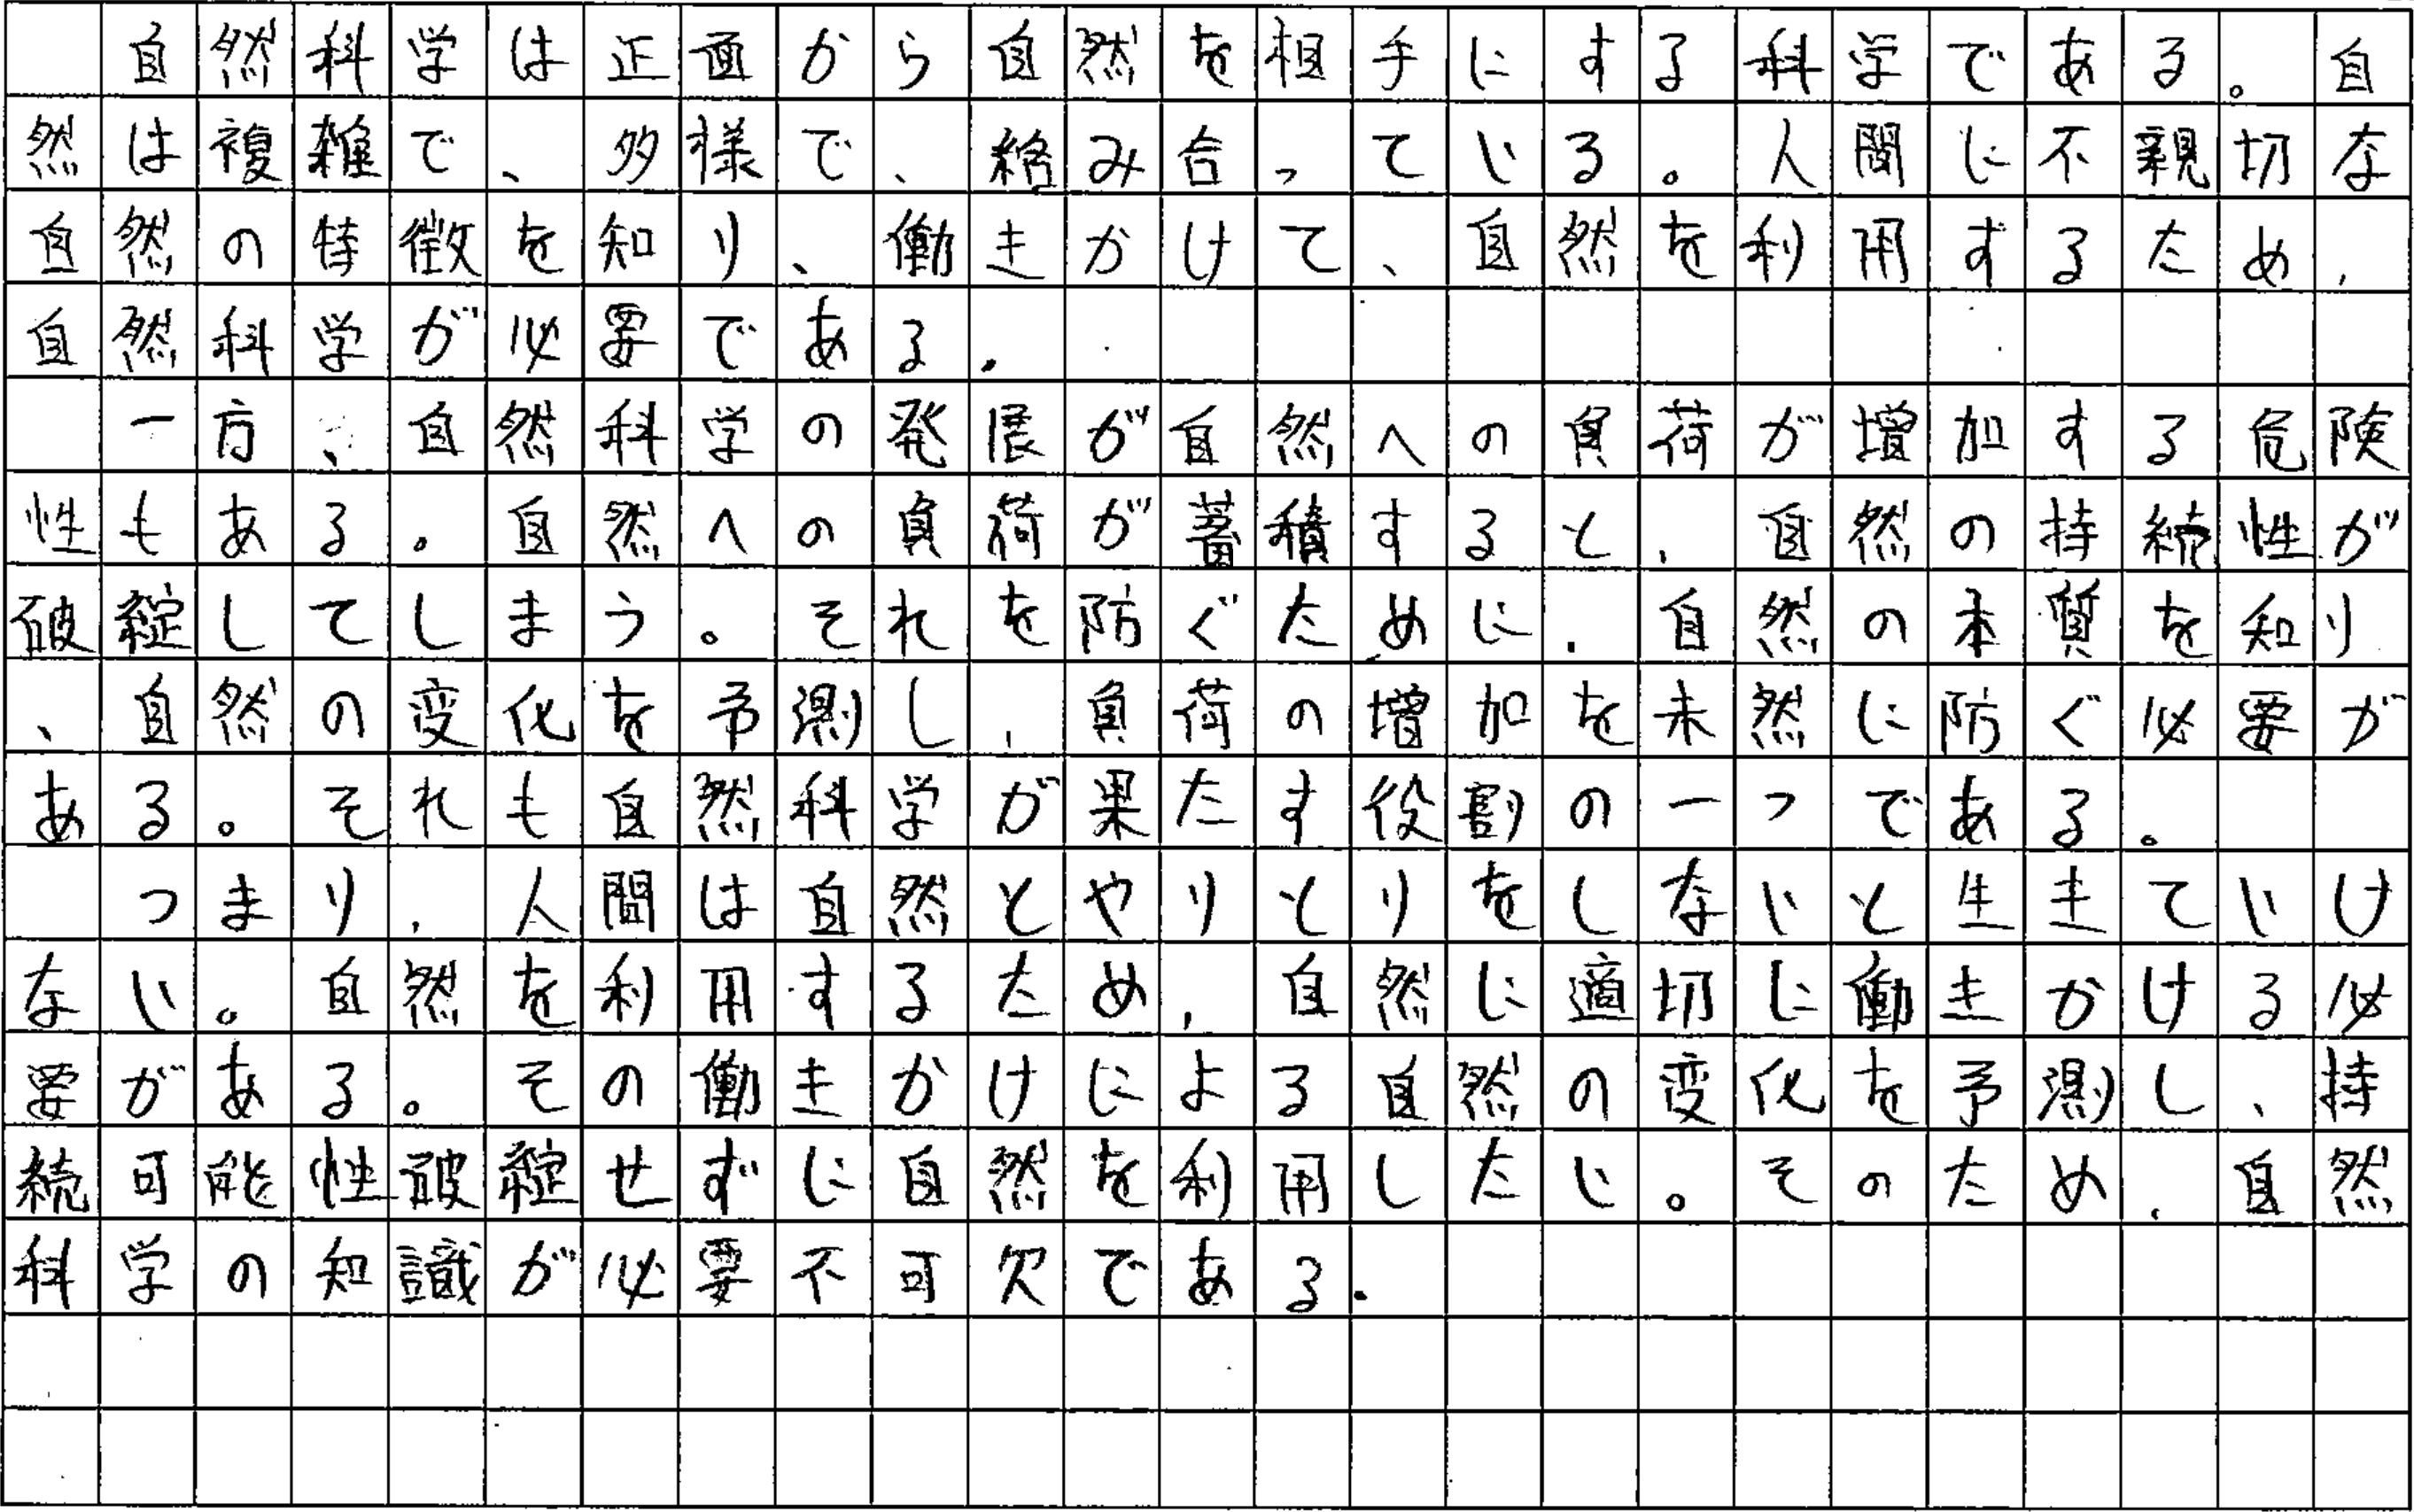　自然科学は正面から自然を相手にする科学である。自然は複雑で、多様で、絡み合っている。人間に不親切な自然の特徴を知り、働きかけて、自然を利用するため、自然科学が必要である。
　一方、自然科学の発展が自然への負荷が増加する危険性もある。自然への負荷が蓄積すると、自然の持続性が破綻してしまう。それを防ぐために、自然の本質を知り、自然の変化を予測し、負荷の増加を未然に防ぐ必要がある。それも自然科学が果たす役割の一つである。
　つまり、人間は自然とやりとりをしないと生きていけない。自然を利用するため、自然に適切に働きかける必要がある。その働きかけによる自然の変化を予測し、持続可能性破綻せずに自然を利用したい。そのため、自然科学の知識が必要不可欠である。
